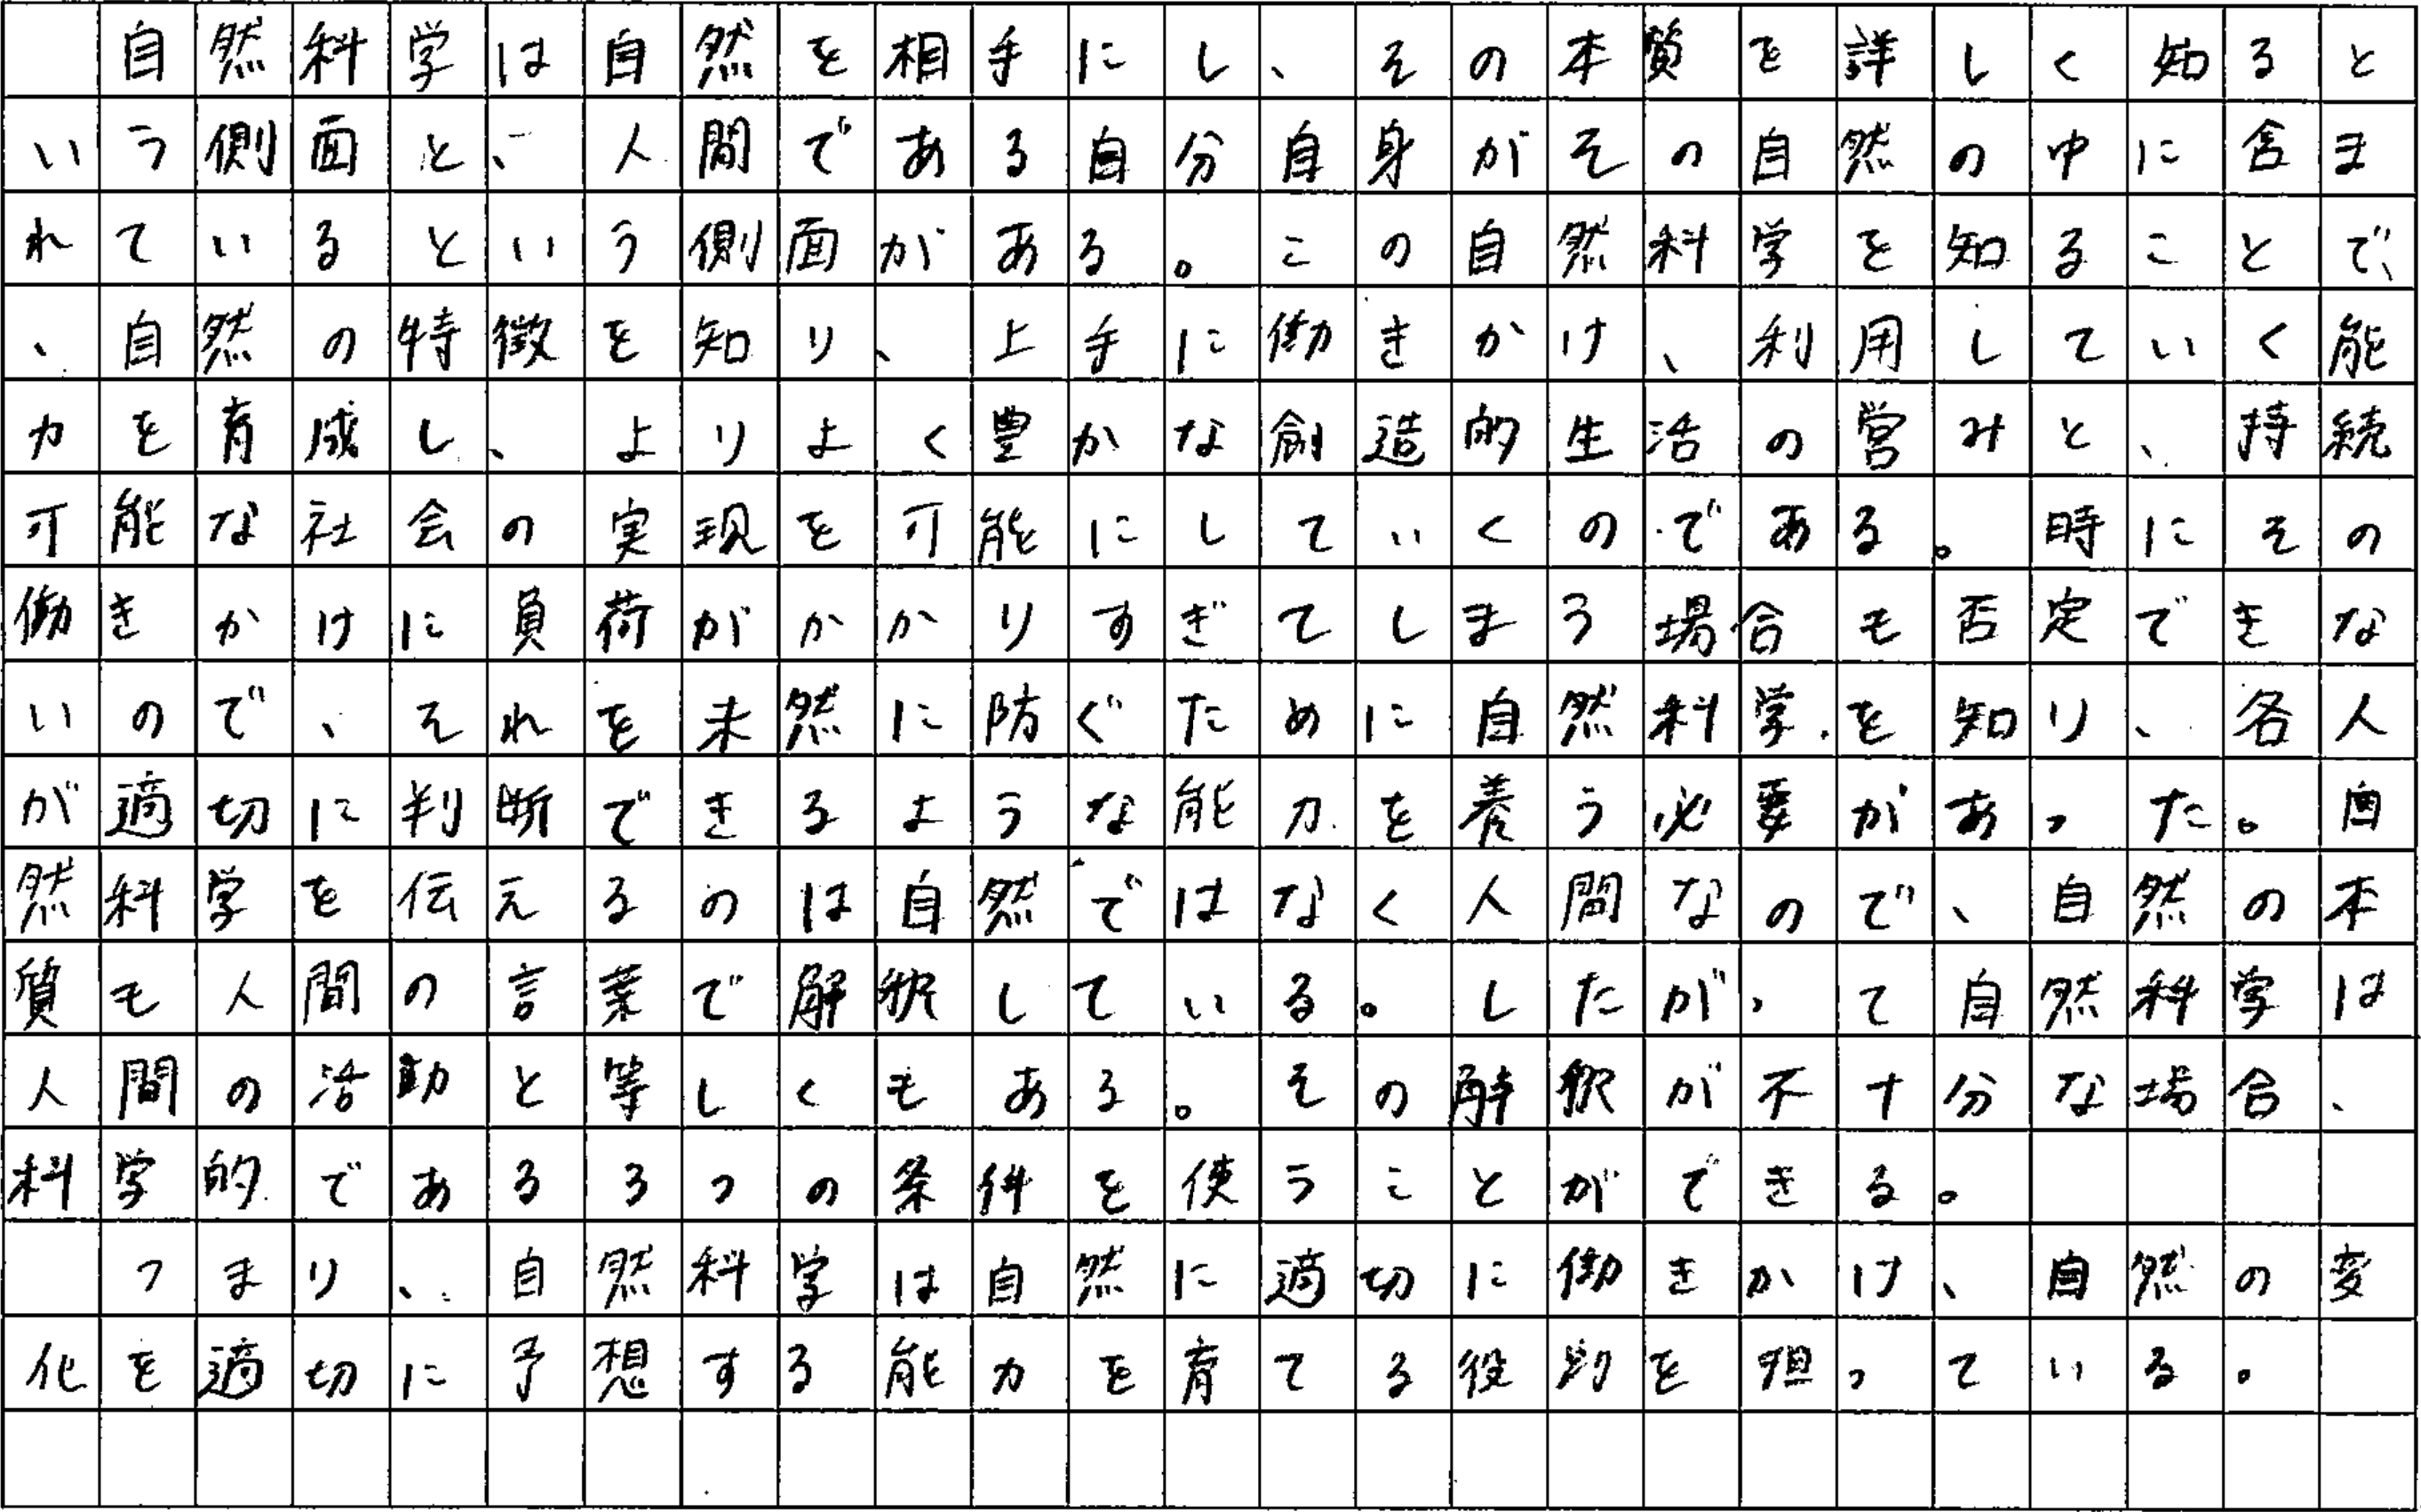　自然科学は自然を相手にし、その本質を詳しく知るという側面と、人間である自分自身がその自然の中に含まれているという側面がある。この自然科学を知ることで、自然の特徴を知り、上手に働きかけ、利用していく能力を育成し、よりよく豊かな創造的生活の営みと、持続可能な社会の実現を可能にしていくのである。時にその働きかけに負荷がかかりすぎてしまう場合も否定できないので、それを未然に防ぐために自然科学を知り、各人が適切に判断できるような能力を養う必要があった。自然科学を伝えるのは自然ではなく人間なので、自然の本質も人間の言葉で解釈している。したがって自然科学は人間の活動と等しくもある。その解釈が不十分な場合、科学的である３つの条件を使うことができる。
　つまり、自然科学は自然に適切に働きかけ、自然の変化を適切に予想する能力を育てる役割を担っている。
